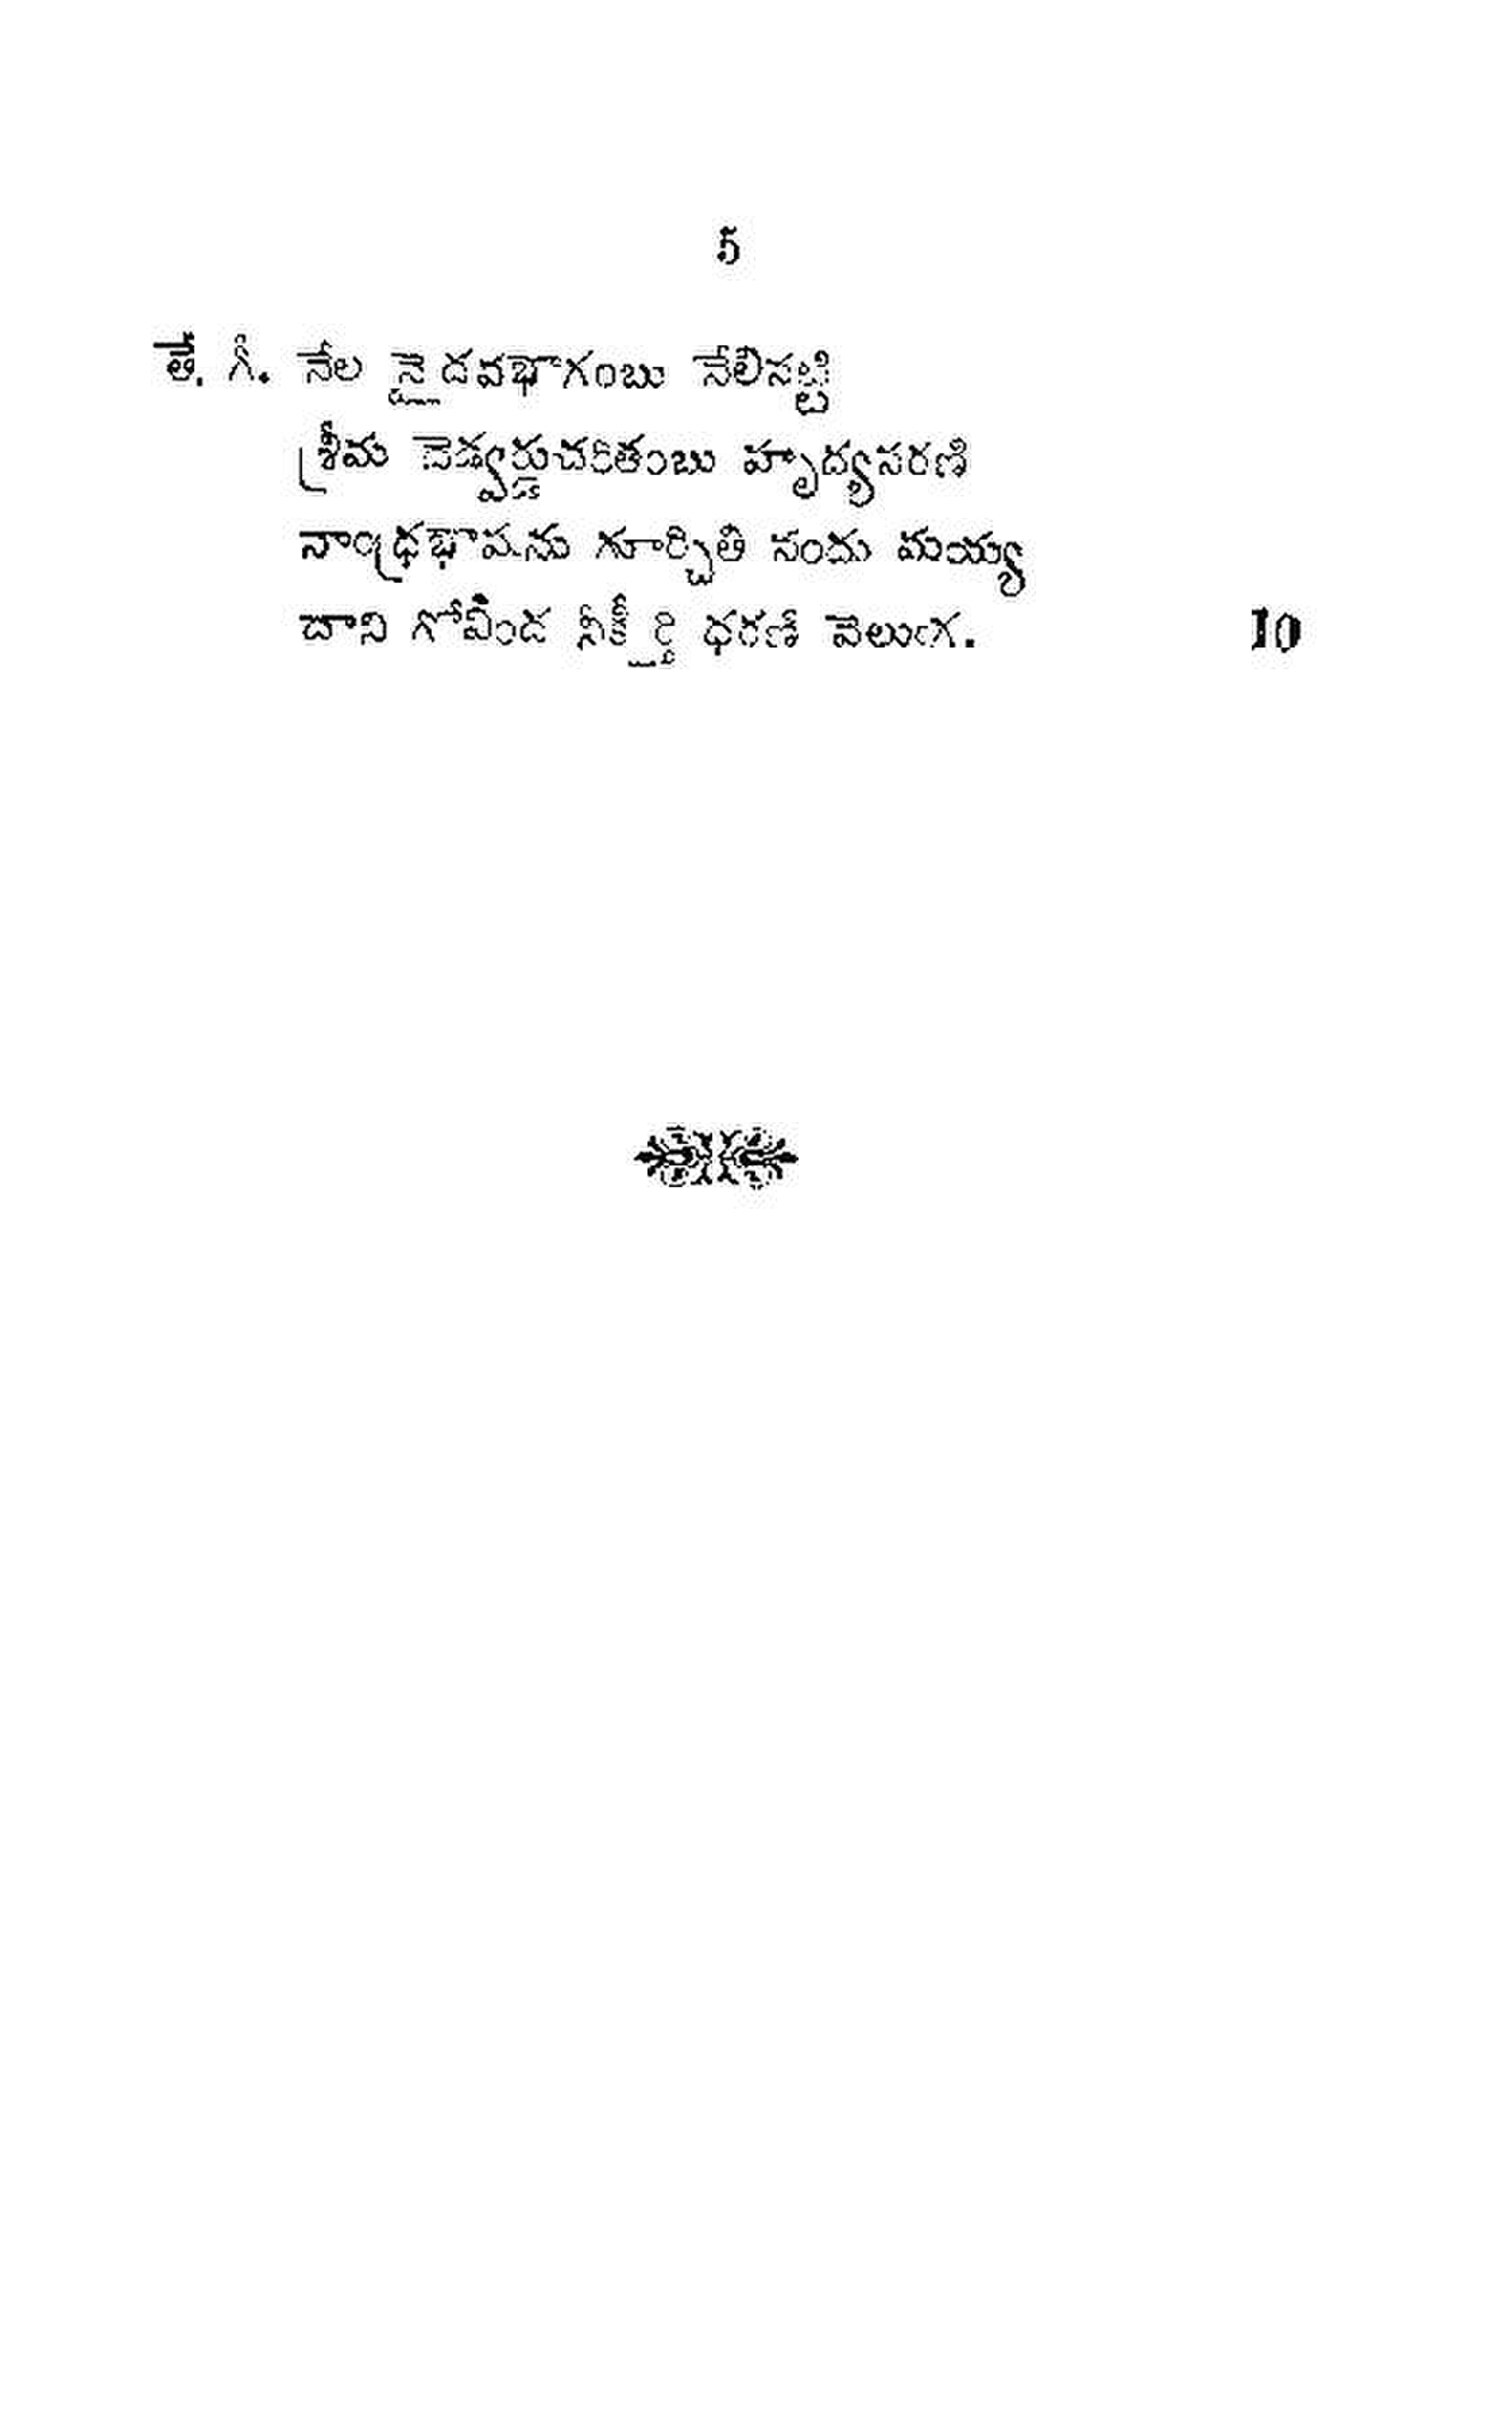తే. గీ. నేల నైదవభాగంబు నేలినట్టి
 శ్రీమ దెడ్వర్డుచరితంబు హృద్యసరణి
 నాంధ్రభాషను గూర్చితి నందు మయ్య
 దాని గోవింద నీకీర్తి ధరణి వెలుఁగ.